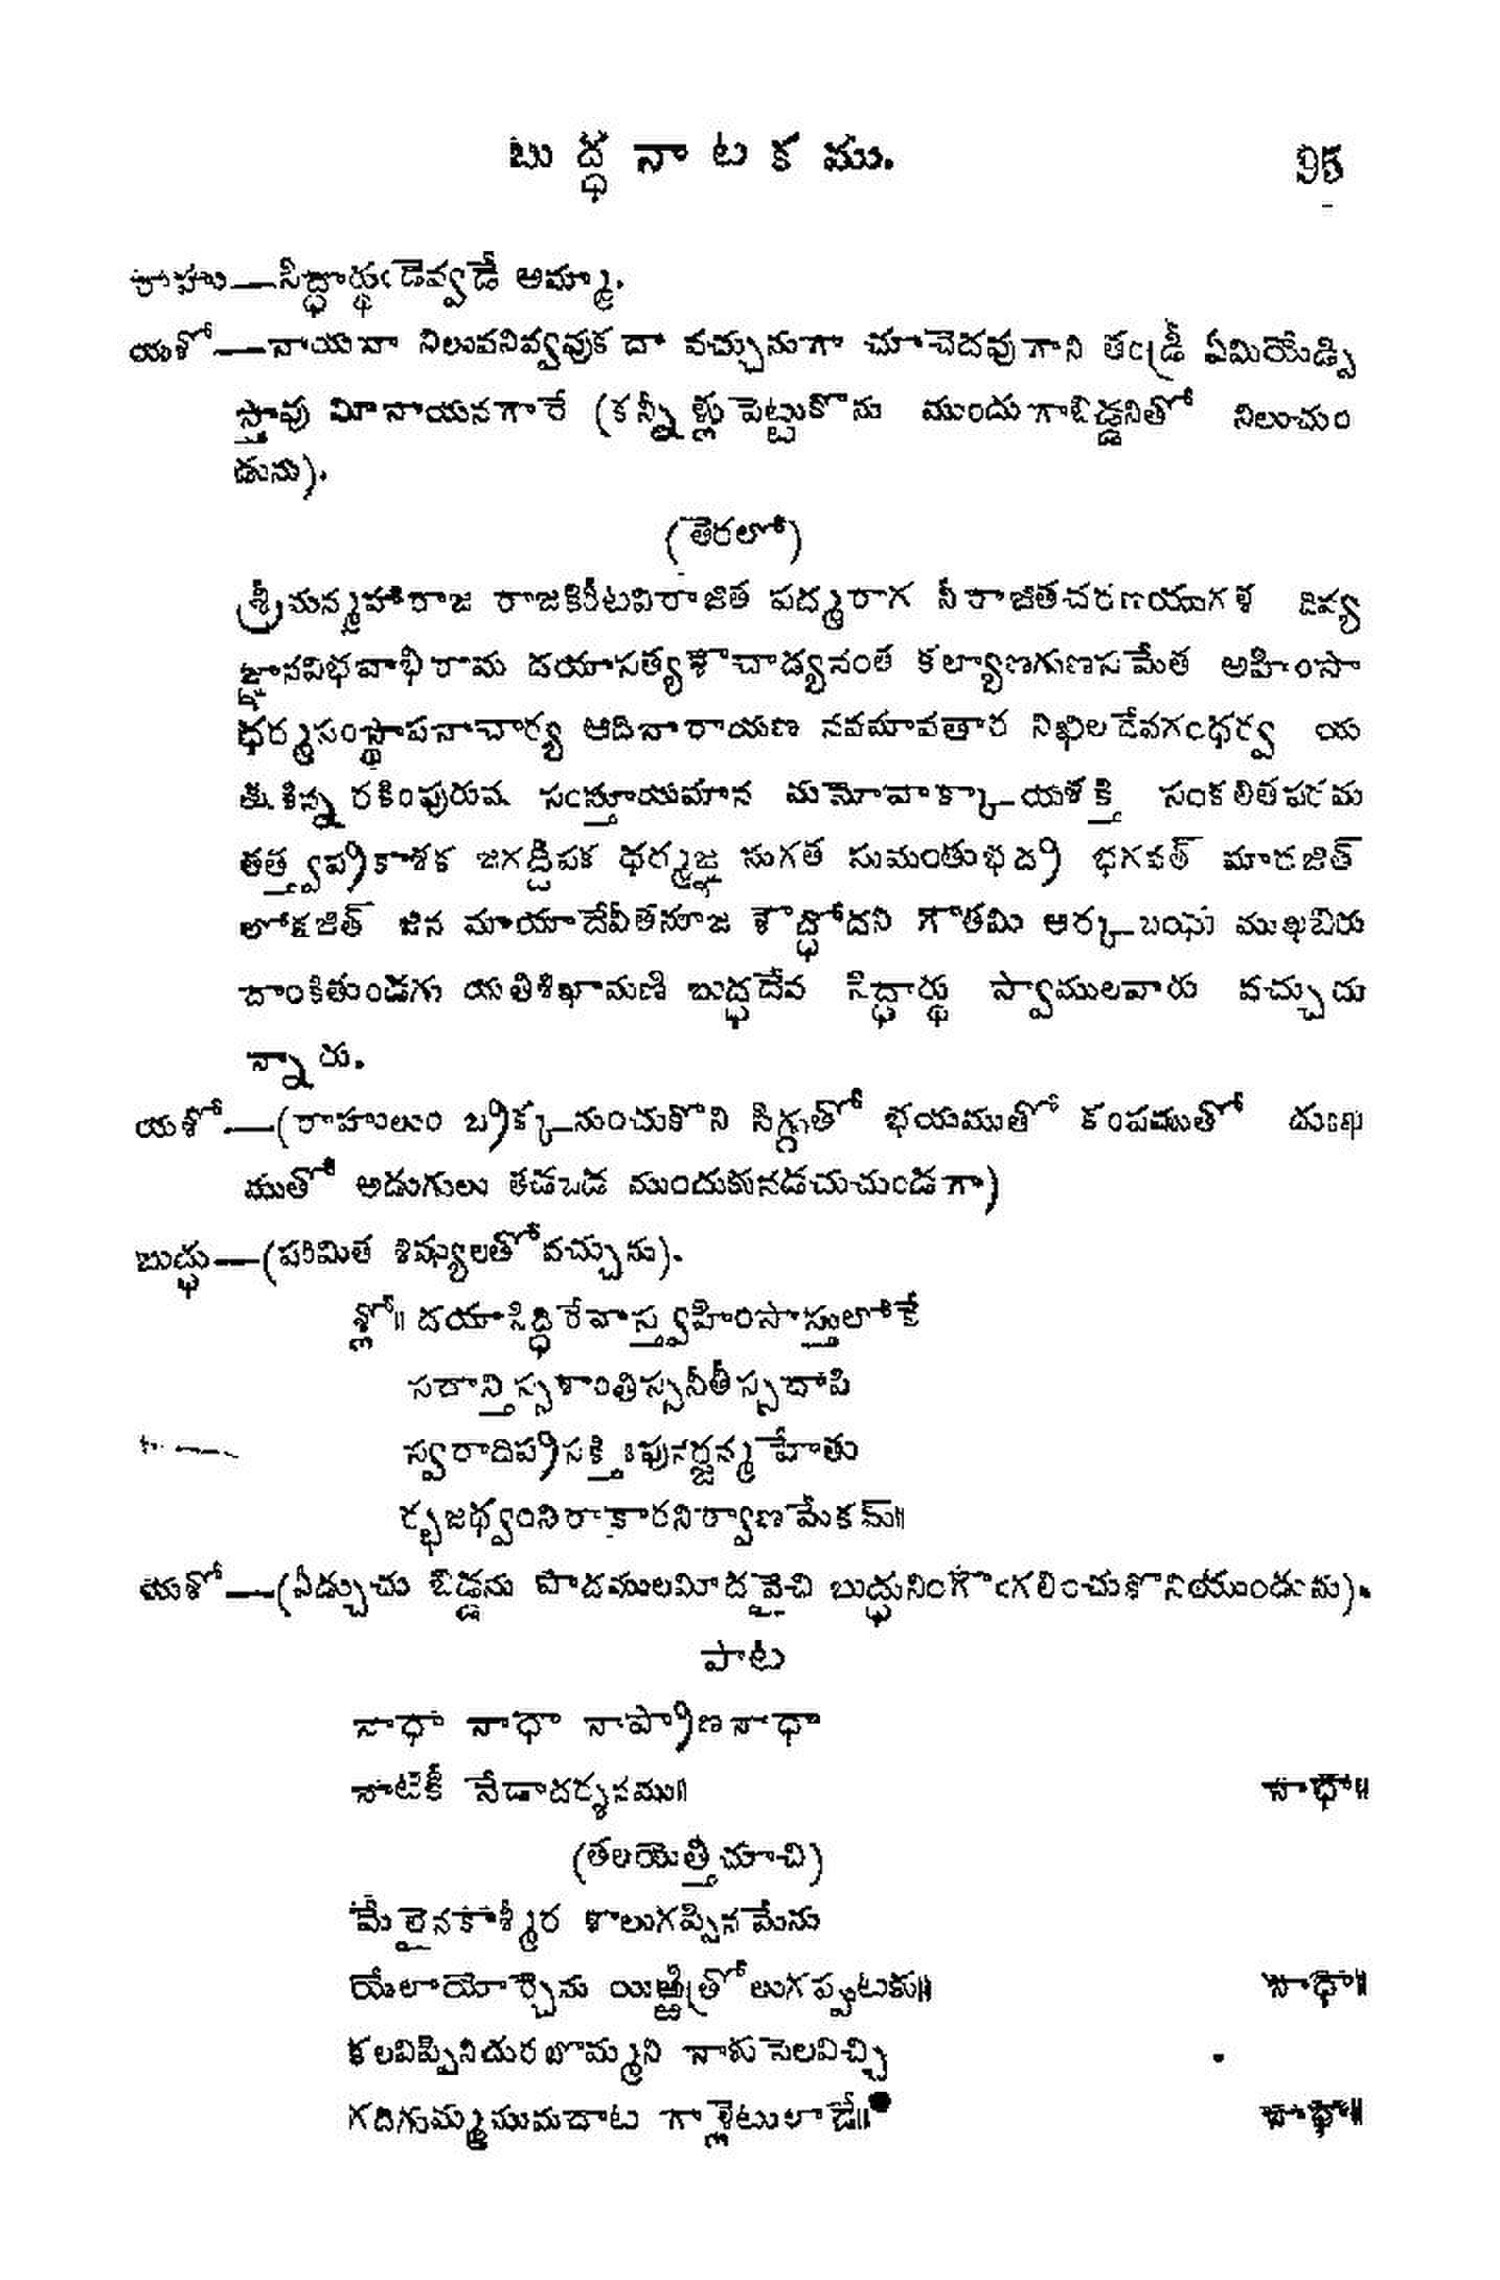రాహు - సిద్ధార్థుఁడెవ్వడే అమ్మా.

యశో — నాయనా నిలువనివ్వవుకదా వచ్చునుగా చూచెదవు గాని తండ్రీ ఏమియేడ్పిస్తావు మీ నాయనగారే (కన్నీళ్లుపెట్టుకొను 
ముందుగా బిడ్డనితో నిలుచుండును).

శ్రీమన్మహారాజ రాజకీరిటవిరాజిత పద్మరాగ నీరాజితచరణయుగళ దివ్యజ్ఞానవిభవాభీరామ దయాసత్యచాడ్యనంత కల్యాణగుణసమేత 
అహింసా ధర్మసంస్థాపనాచార్య ఆదినారాయణ నవమావతార నిఖిలదేవగంధర్వ యక్షకిన్నరకింపురుష సంస్తూయమాన మమోవాక్కాయశక్తి సంకలితపరమ తత్త్వప్రకాశక జగద్దీపక ధర్మజ్ఞ సుగత సుమంతుభద్ర భగవత్ మారజిత్ లోకజిత్ జిన మాయాదేవీతనూజ శ్రాద్ధోదని గౌతమి ఆర్కబంధు ముఖబిరుదాంకితుండగు యతిశిఖామణి బుద్ధదేవ సిద్ధార్థు స్వాములవారు వచ్చుచున్నారు.

యశో — (రాహులుం బక్కనుంచుకొని సిగ్గుతో భయముతో కొంపముతో దుఃఖముతో అడుగులు కడబడ ముందుకు నడచుచుండగా)

బుద్ధు — (పరిమిత శిష్యులతోవచ్చును).

శ్లో॥ దయాసిద్ధి రేవాస్త్వహింసాస్తులోకే 
సదాన్తనిస్సకాంతిస్సనీతీస్సదాపి
స్వరాదిప్రసక్తి:పునర్జన్మహేతు
ర్బజధ్వంనిరాకారనిర్వాణమేకమ్॥ 

యశో - (ఏడ్చుచు బిడ్డను పాదములమీద వైచి బుద్ధునింగౌగలించుకొనియుండును).

నాధా నాధా నాప్రాణనాధా
నాటికీ నేడాదర్శనము॥ ॥నాధా॥

(తలయెత్తిచూచి)

మేలైన కాశ్మీర శాలుగప్పినమేను
యేలాయోర్చెను యిఱ్ఱత్రోలుగప్పుటకు॥ ॥నాధా॥ 
కలవిప్పినిదురబొమ్మని నాకుసెలవిచ్చి
గదిగుమ్మముమదాట గాళ్లేటులాడే ॥నాధా॥